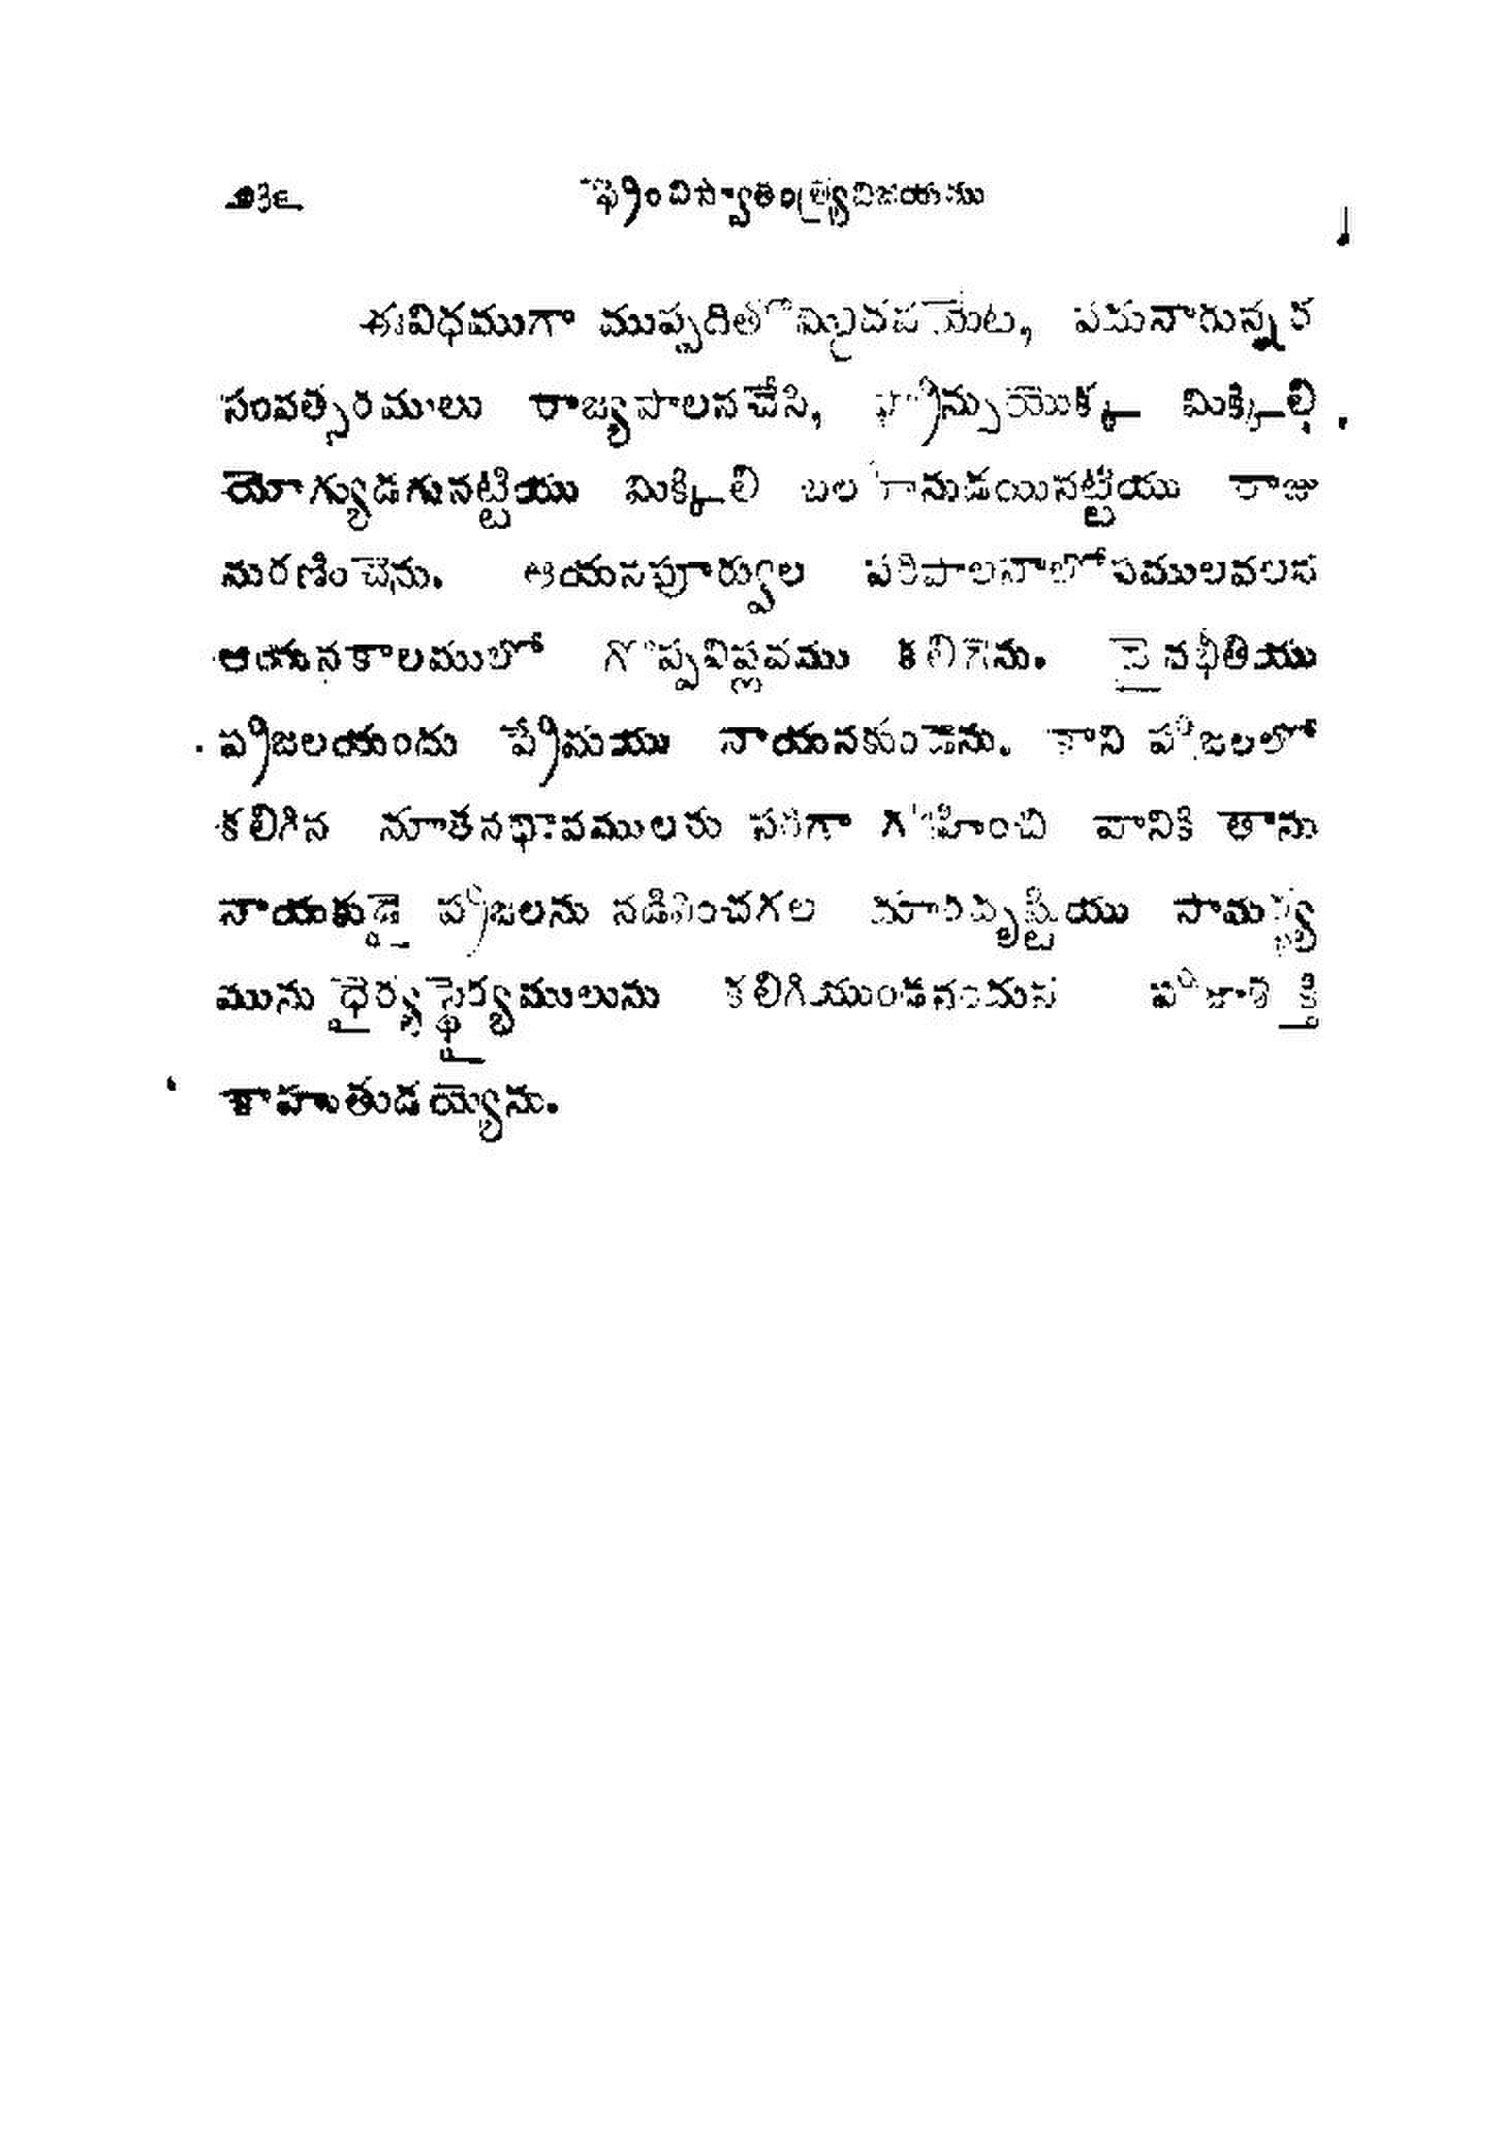ఈవిధముగా ముప్పదితొమ్మిదో యేట , పదునాలుగున్నర
సంవత్సరమలు రాజ్యపాలన చేసి, ఫ్రాన్సు యొక్క మిక్కిలి ,
యోగ్యుడగునట్టియు మిక్కిలి బలహీను డయినట్టియు రాజు
మరణించెను. ఆయసపూర్వుల పరిపాలనా లోపములవలన
ఆయన కాలములో గొప్పవిప్లవము కలిగెను. దైవభీతియు
ప్రజలయందు ప్రేమయు నాయన కుండెను. కాని ప్రజలలో
కలిగిన నూతన భావములను సరిగా గ్రహించి వానికి తాను
నాయకుడై ప్రజలను నడించగల దూర దృష్టియు సామర్థ్య
మును ధైర్య స్థైర్యములును కలిగియుండ నందున ప్రజాశక్తి 
కాహుతుడయ్యెను.